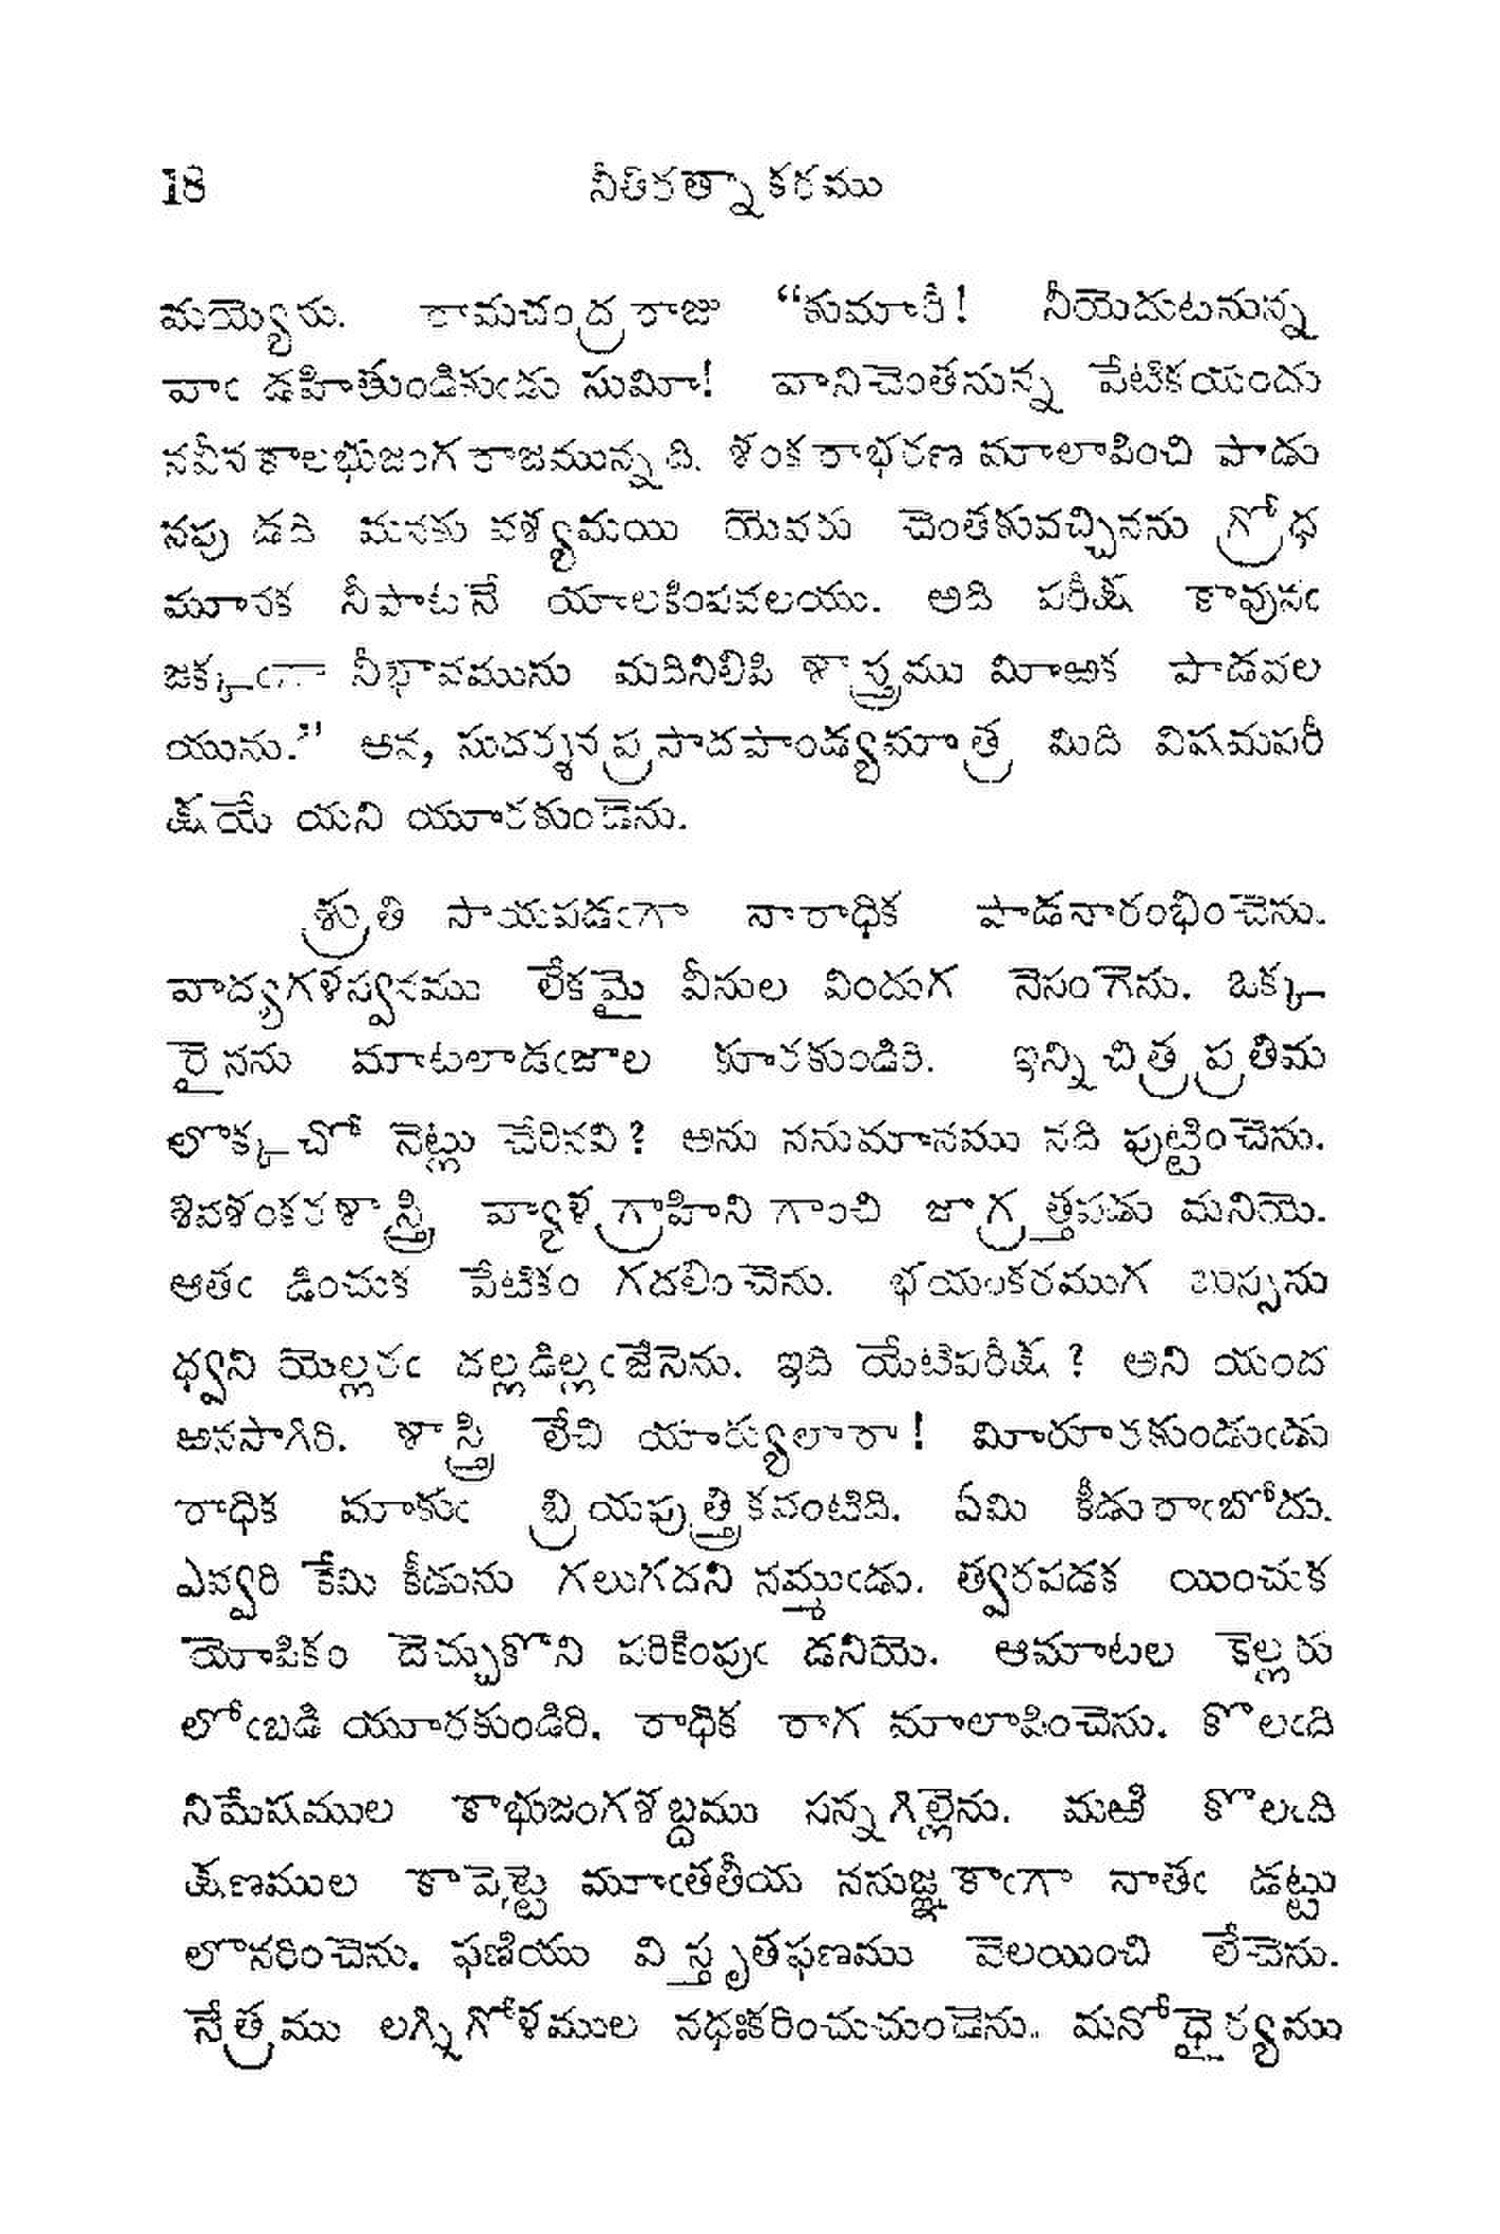మయ్యెను. రామచంద్రరాజు "కుమారీ! నీయెదుటనున్న వాఁడహితుండికుడు సుమీ! వాని చెంతనున్న పేటిక యందు నవీన కాల భుజంగ రాజమున్న ది. శంకరాభరణ మాలాపించి పాడు నపుడది మనకు వశ్యమయి యెవరు చెంతకువచ్చినను గ్రోధ మూనక నీపాటనే నే యాలకింపవలయు. అది పరీక్ష కావునఁ జక్కఁగా నీభావమును మదినిలిపి శాస్త్రము మీఱక పాడవలయును." అన, సుదర్శన ప్రసాదపాండ్య మాత్ర మిది విషమపరీక్షయే యని యూర కుంకెను. 

శ్రుతి సాయపడగా నారాధిక పాడనారంభించెను. వాద్యగళస్వనము లేకమై వీనుల విందుగ నెసంగెను. ఒక్కరైనను మాటలాడఁజాల కూరకుండిరి. ఇన్ని చిత్ర ప్రతిమ లోక్కచో నెట్లు చేరినవి? అను ననుమానము నది పుట్టించెను. శివశంకరశాస్త్రి, వ్యాళగ్రాహిని గాంచి జాగ్రత్తపడు మనియె. ఆతఁ డించుక పేటికం గదలించెను. భయంకరముగ బుస్సను ధ్వని యెల్లరఁ దల్లడిల్లఁజేసెను. ఇదే యేటిపరీక్ష ! అని యంద ఱనసాగిరి. శాస్త్రి లేచి యార్యులారా! మీరూరకుండుఁడు రాధిక మాకుఁ బ్రియపుత్త్రికవంటిది. ఏమి కీడు రాఁబోదు. ఎవ్వరి కేమి కీడును గలుగదని నమ్ముఁడు. త్వరపడక యించుక
యోపికం దెచ్చుకొని పరికింపుఁ డనియె. ఆమాటల కెల్లరు లోఁబడి యూరకుండిరి, రాధిక రాగ మూలాపించెను. కొలఁది నిమేషముల కాభుజంగశబ్దము సన్నగిల్లెను. మఱి కొలది క్షణముల కాపెట్టె మూఁతతీయ ననుజ్ఞ కాఁగా నాతఁ డట్టు లొనరించెను. ఫణియు విస్తృతపణము వెలయించి లేచెను. నేత్రము అగ్నిగోళముల నధఃకరించుచుండెను. మనోధైర్యము